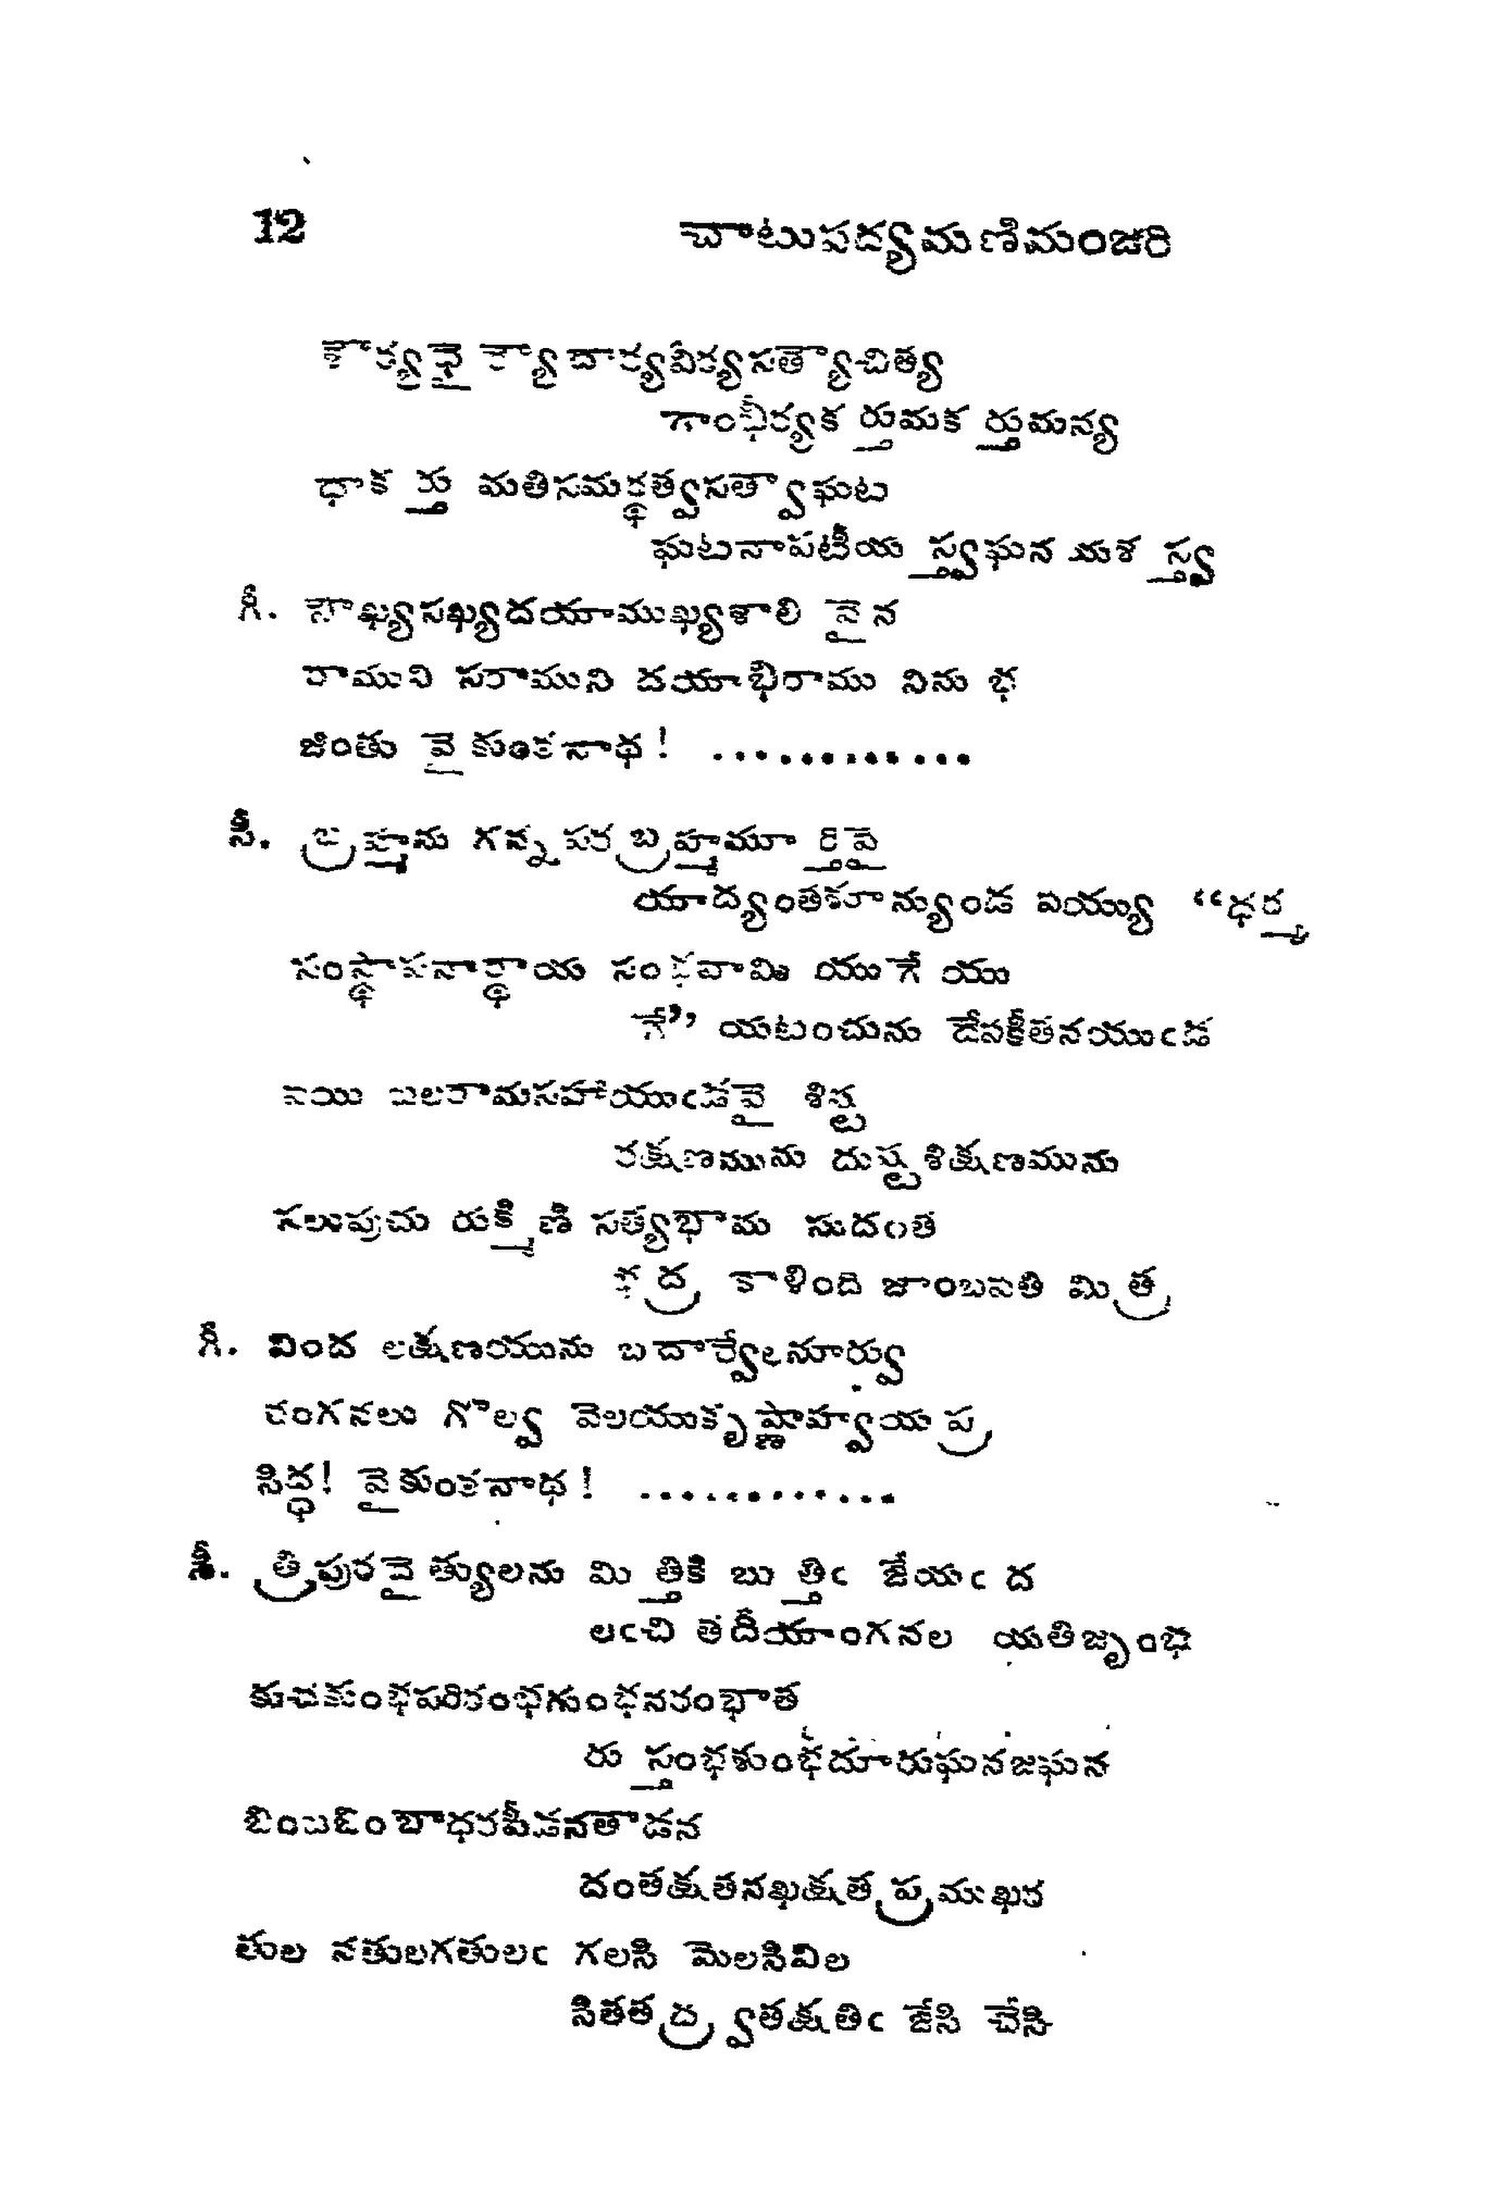శౌర్యధైర్యౌదార్యవీర్యసత్యౌచిత్య
 గాంభీర్యకర్తుమకర్తుమన్య
 ధాకర్తు మతిసమర్ధత్వసత్వాఘట
 ఘటనాపటీయస్తవఘనయశస్త్వ
గీ. సౌఖ్యసఖ్యదయాముఖ్యశాలి వైన
 రాముని సరాముని దయాభిరాము నిను భ
 జింతు వైకుంఠనాథ! లక్ష్మీసనాథ!
 రక్షణపరాయణుండ! నారాయణుండ!
సీ. బ్రహ్మను గన్న పరబ్రహ్మమూర్తివై
 యాద్యంతశూన్యుండ వయ్యు “ధర్మ
 సంస్థాపనార్థాయ సంభవామి యుగే యు
 గే” యటంచును దేవకీతనయుఁడ
 వయి బలరామసహాయుఁడవై శిష్ట
 రక్షణమును దుష్టశిక్షణమును
 సలుపుచు రుక్మిణి సత్యభామ సుదంత
 భద్ర కాళింది జాంబవతి మిత్ర
గీ. వింద లక్షణయును బదార్వేలనూర్వు
 రంగనలు గొల్వ వెలయు కృష్ణాహ్వయ ప్ర
 సిద్ధ! వైకుంఠనాథ! లక్ష్మీసనాథ!
 రక్షణపరాయణుండ! నారాయణుండ!
సీ. త్రిపుర దైత్యులను మిత్తికి బుత్తిఁ జేయఁ ద
 లఁచి తదీయాంగనల యతిజృంభ
 కుచకుంభపరిరంభనరంభాత
 రుస్తంభశుంభదూరుఘనజఘన
 బింబబింబాధరపీడనతాడన
 దంతక్షతనఖక్షతప్రముఖర
 తుల నతులగతులఁ గలసి మెలసి విల
 సితతద్వ్రతక్షతిఁ జేసి చేసి